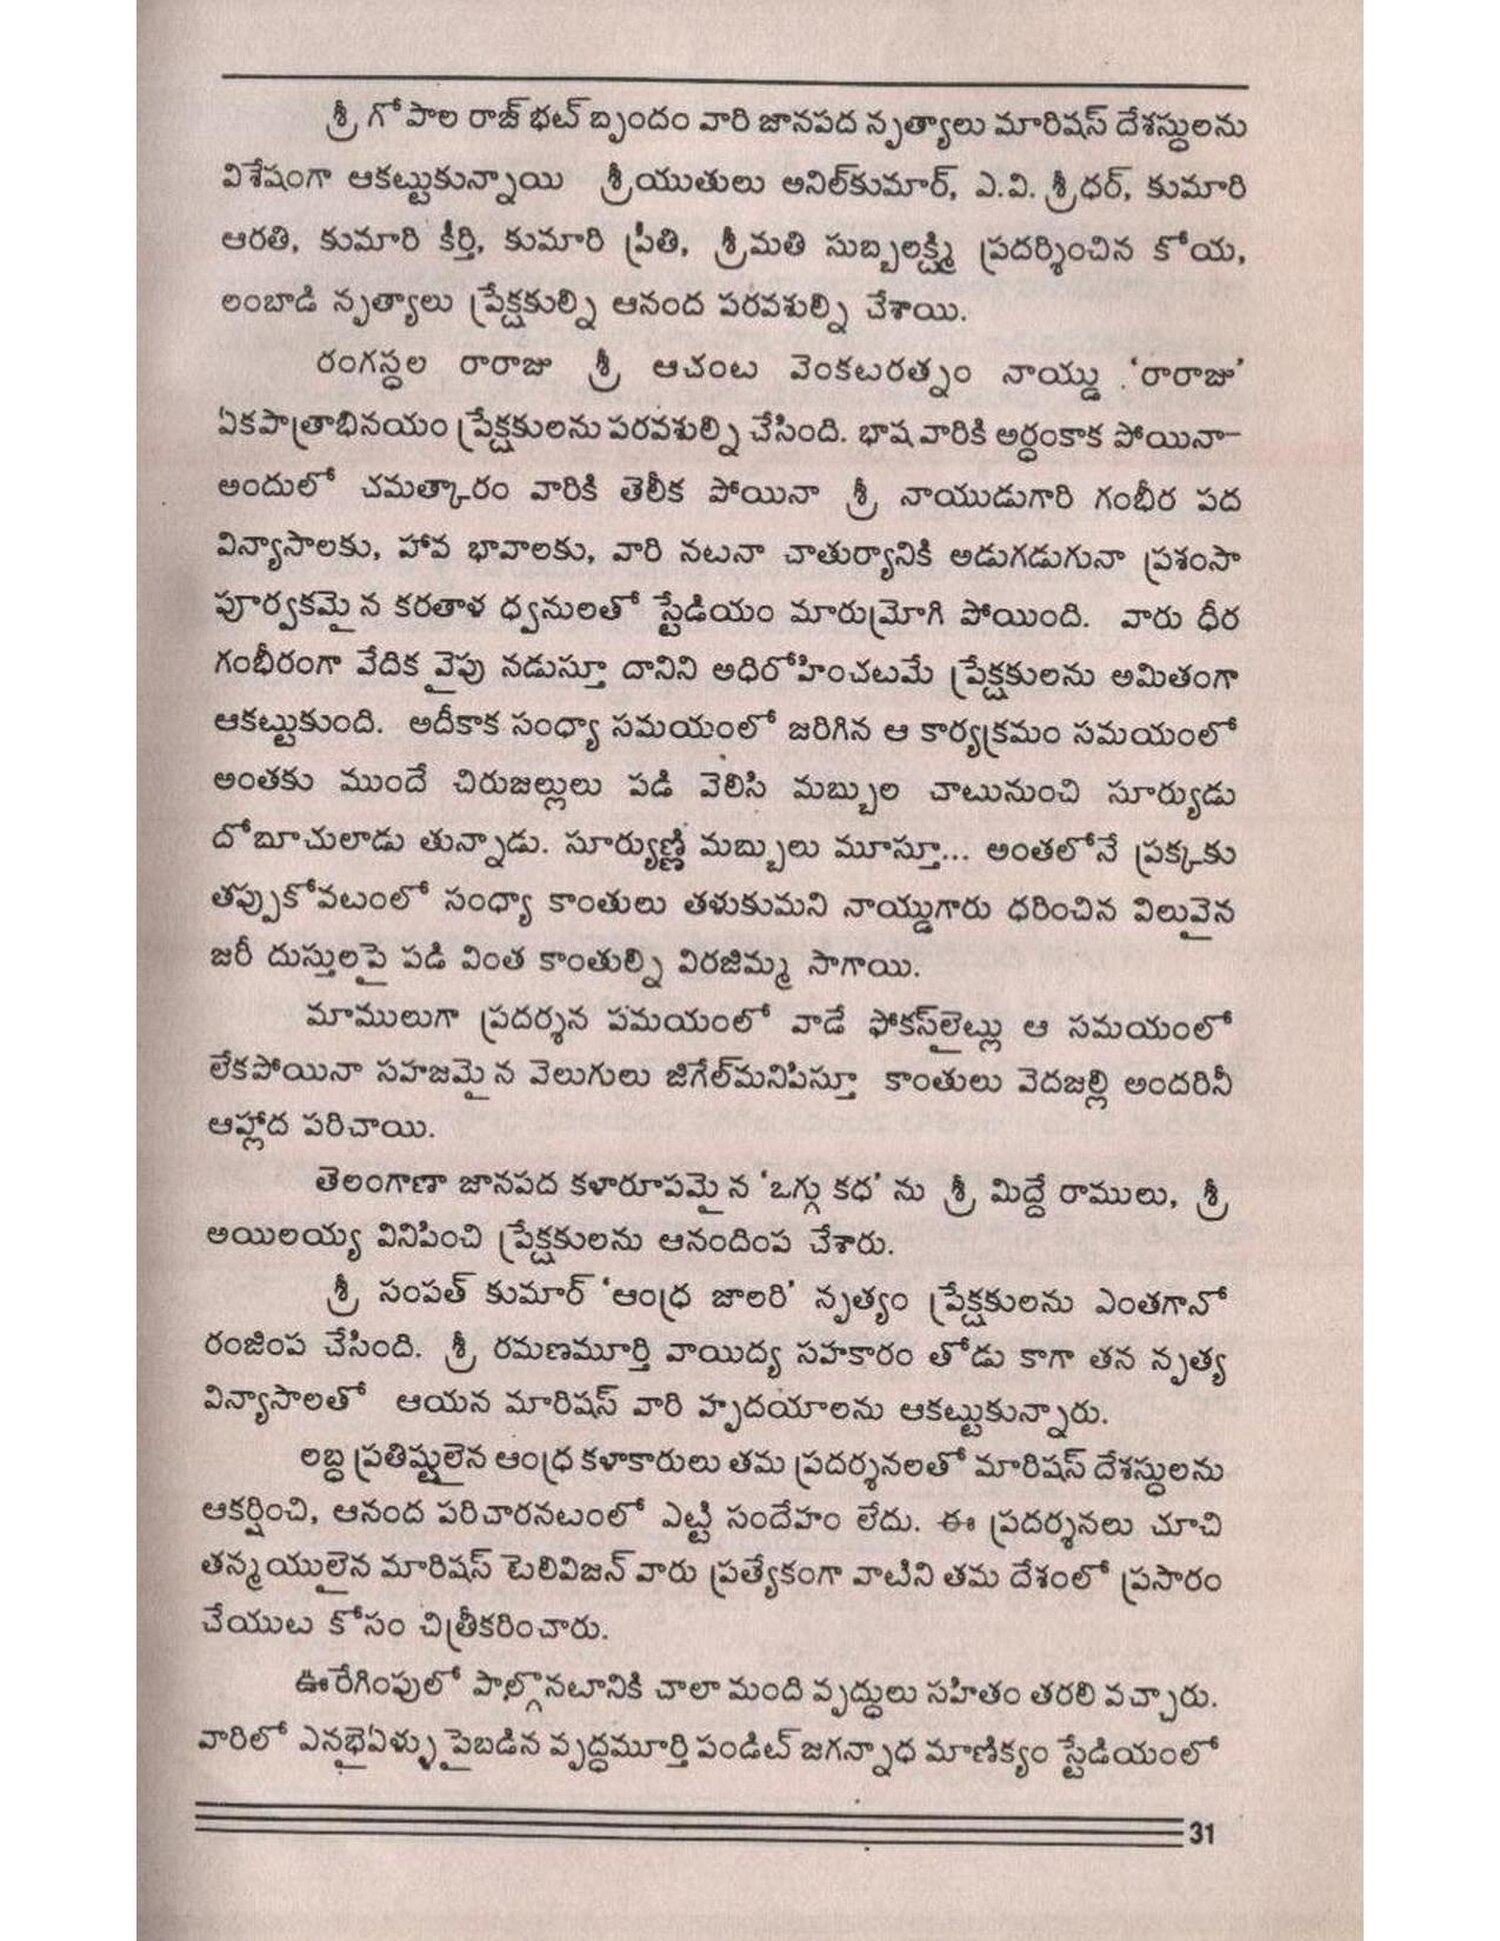శ్రీ గోపాలరాజ్ భట్ బృందం వారి జానపద నృత్యాలు మారిషస్ దేశస్థులను విశేషంగా ఆకట్టుకున్నాయి. శ్రీయుతులు అనిల్‌కుమార్, ఎ.వి.శ్రీధర్, కుమారి ఆరతి, కుమారి కీర్తి, కుమారి ప్రీతి, శ్రీమతి సుబ్బలక్ష్మి ప్రదర్శించిన కోయ, లంబాడి నృత్యాలు ప్రేక్షకుల్ని ఆనంద పరవశుల్ని చేశాయి.

రంగస్థల రారాజ శ్రీ ఆచంట వెంకటరత్నం నాయ్డు "రారాజు" ఏకపాత్రాభినయం ప్రేక్షకులను పరవశుల్ని చేసింది. భాష వారికి అర్ధంకాక పోయినా అందులో చమత్కారం వారికి తెలీక పోయినా శ్రీ నాయుడుగారి గంభీర పద విన్యాసాలకు, హావ భావాలకు, వారి నటనా చాతుర్యానికి అడుగడుగునా ప్రశంసా పూర్వకమైన కరతాళ ధ్వనులతో స్టేడియం మారుమ్రోగి పోయింది. వారు ధీర గంభీరంగా వేదిక వైపు నడుస్తూ దానిని అధిరోహించటమే ప్రేక్షకులను అమితంగా ఆకట్టుకుంది. అదీకాక సంధ్యా సమయంలో జరిగిన ఆ కార్యక్రమం సమయంలో అంతకు ముందే చిరుజల్లులు పడి వెలిసి మబ్బుల చాటునుంచి సూర్యుడు దోబూచులాడు తున్నాడు. సూర్యుణ్ణి మబ్బులు మూస్తూ... అంతలోనే ప్రక్కకు తప్పుకోవటంలో సంధ్యా కాంతులు తళుకుమని నాయ్డుగారు ధరించిన విలువైన జరీ దుస్తులపై పడి వింత కాంతుల్ని విరజిమ్మ సాగాయి.

మాములుగా ప్రదర్శన పమయంలో వాడే ఫోకస్‌లైట్లు ఆ సమయంలో లేకపోయినా సహజమైన వెలుగులు జిగేల్మనిపిస్తూ కాంతులు వెదజల్లి అందరినీ ఆహ్లాద పరిచాయి.

తెలంగాణా జానపద కళారూపమైన 'ఒగ్గు కధ ను శ్రీ మిద్దే రాములు, శ్రీ ఆయిలయ్య వినిపించి ప్రేక్షకులను ఆనందింప చేశారు.

శ్రీ సంపత్ కుమార్'ఆంద్ర జాలరి" నృత్యం ప్రేక్షకులను ఎంతగానో రంజింప చేసింది. శ్రీ రమణమూర్తి వాయిద్య సహకారం తోడు కాగా తన నృత్య విన్యాసాలతో ఆయన మారిషస్ వారి హృదయాలను ఆకట్టుకున్నారు.

లబ్ద ప్రతిష్ఠులైన ఆంధ్ర కళాకారులు తమ ప్రదర్శనలతో మారిషస్ దేశస్థులను ఆకర్షించి, ఆనంద పరిచారనటంలో ఎట్టి సందేహం లేదు. ఈ ప్రదర్శనలు చూచి తన్మయులైన మారిషస్ టెలివిజన్ వారు ప్రత్యేకంగా వాటిని తమ దేశంలో ప్రసారం చేయుట కోసం చిత్రీకరించారు.

ఊరేగింపులో పాల్గొనటానికి చాలామంది వృద్ధులు సహితం తరలి వచ్చారు. వారిలో ఎనభైఏళ్ళు పైబడిన వృద్ధమూర్తి పండిట్ జగన్నాధ మాణిక్యం స్టేడియంలో